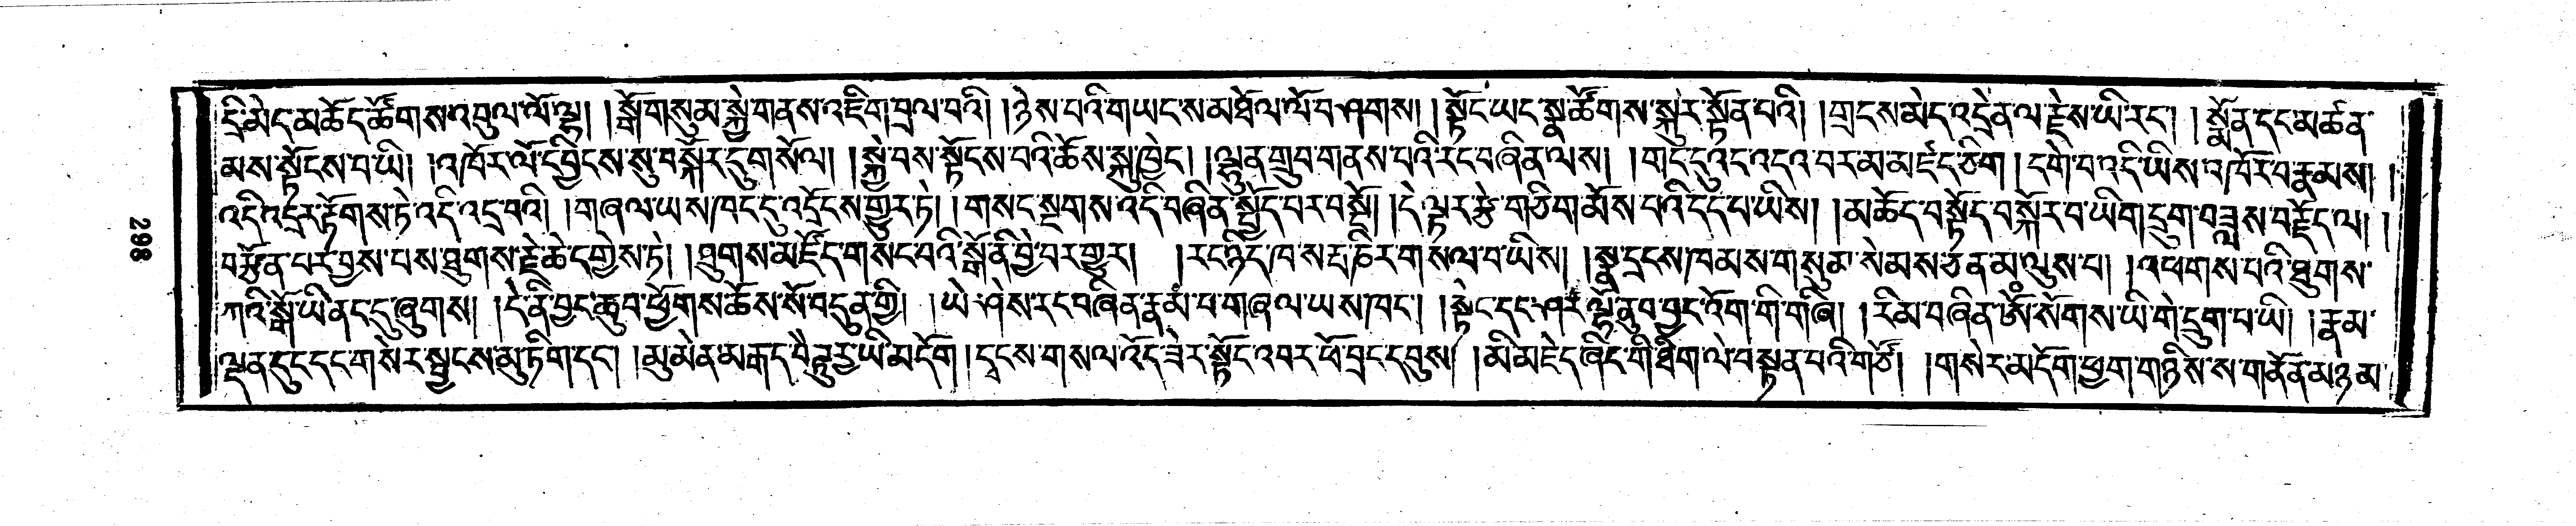དྲི་མེད་མཆོད་ཚོགས་འབུལ་ལོ་ལྷ། །སྒོ་གསུམ་སྐྱེ་གནས་འཇིག་བྲལ་བའི། །ཉེས་པའི་གཡང་ས་མཐོལ་ལོ་བཤགས། །སྟོང་ཡང་སྣ་ཚོགས་སྐུར་སྟོན་པའི། །གྲངས་མེད་འདྲེན་ལ་རྗེས་ཡི་རང་། །སྨོན་དང་མཚན་
མས་སྟོངས་པ་ཡི། །འཁོར་ལོ་དབྱིངས་སུ་བསྐོར་དུ་གསོལ། །སྐྱེ་བས་སྟོངས་པའི་ཆོས་སྐུ་ཁྱེད། །ལྷུན་གྲུབ་གནས་པའི་རང་བཞིན་ལས། །གང་དུའང་འདའ་བར་མ་མཛད་ཅིག །དགེ་བ་འདི་ཡིས་འཁོར་བ་རྣམས། །
འདི་འདྲར་རྟོགས་ཏེ་འདི་འདྲ་བའི། །གཞལ་ཡས་ཁང་དུ་འདྲོངས་གྱུར་ཏེ། །གསང་སྔགས་འདི་བཞིན་སྤྱོད་པར་བསྔོ། །དེ་ལྟར་རྩེ་གཅིག་མོས་པའི་དད་པ་ཡིས། །མཆོད་བསྟོད་བསྐོར་བ་ཡིག་དྲུག་བཟླས་བརྗོད་ལ། །
བརྩོན་པར་བྱས་པས་ཐུགས་རྗེ་ཆེ་དགྱེས་ཏེ། །ཐུགས་མཛོད་གསང་བའི་སྒོ་ནི་བྱེ་བར་གྱུར། །རང་ཉིད་ཁ་སརྦ་ཎིར་གསལ་བ་ཡིས། །སྣ་དྲངས་ཁམས་གསུམ་སེམས་ཅན་མ་ལུས་པ། །འཕགས་པའི་ཐུགས་
ཀའི་སྒོ་ཡི་ནང་དུ་ཞུགས། །དེ་ནི་བྱང་ཆུབ་ཕྱོགས་ཆོས་སོ་བདུན་གྱི། །ཡེ་ཤེས་རང་བཞིན་རྣམ་པ་གཞལ་ཡས་ཁང་། །སྟེང་རང་ཤར་ལྷོ་ནུབ་བྱང་འོག་གི་གཞི། །རིམ་བཞིན་ཨོཾ་སོགས་ཡི་གེ་དྲུག་པ་ཡི། །རྣམ་
ལྡན་དུང་དང་གསེར་སྦྱངས་མུ་ཏིག་དང་། །མུ་མེན་མརྒད་བཻ་ཌཱུརྱ་ཡི་མདོག །དྭངས་གསལ་འོད་ཟེར་སྟོང་འབར་ཕོ་བྲང་དབུས། །མི་མཇེད་ཞིང་གི་ཐིག་ལེ་བསྟན་པའི་གཙོ། །གསེར་མདོག་ཕྱག་གཉིས་ས་གནོན་མཉམ་